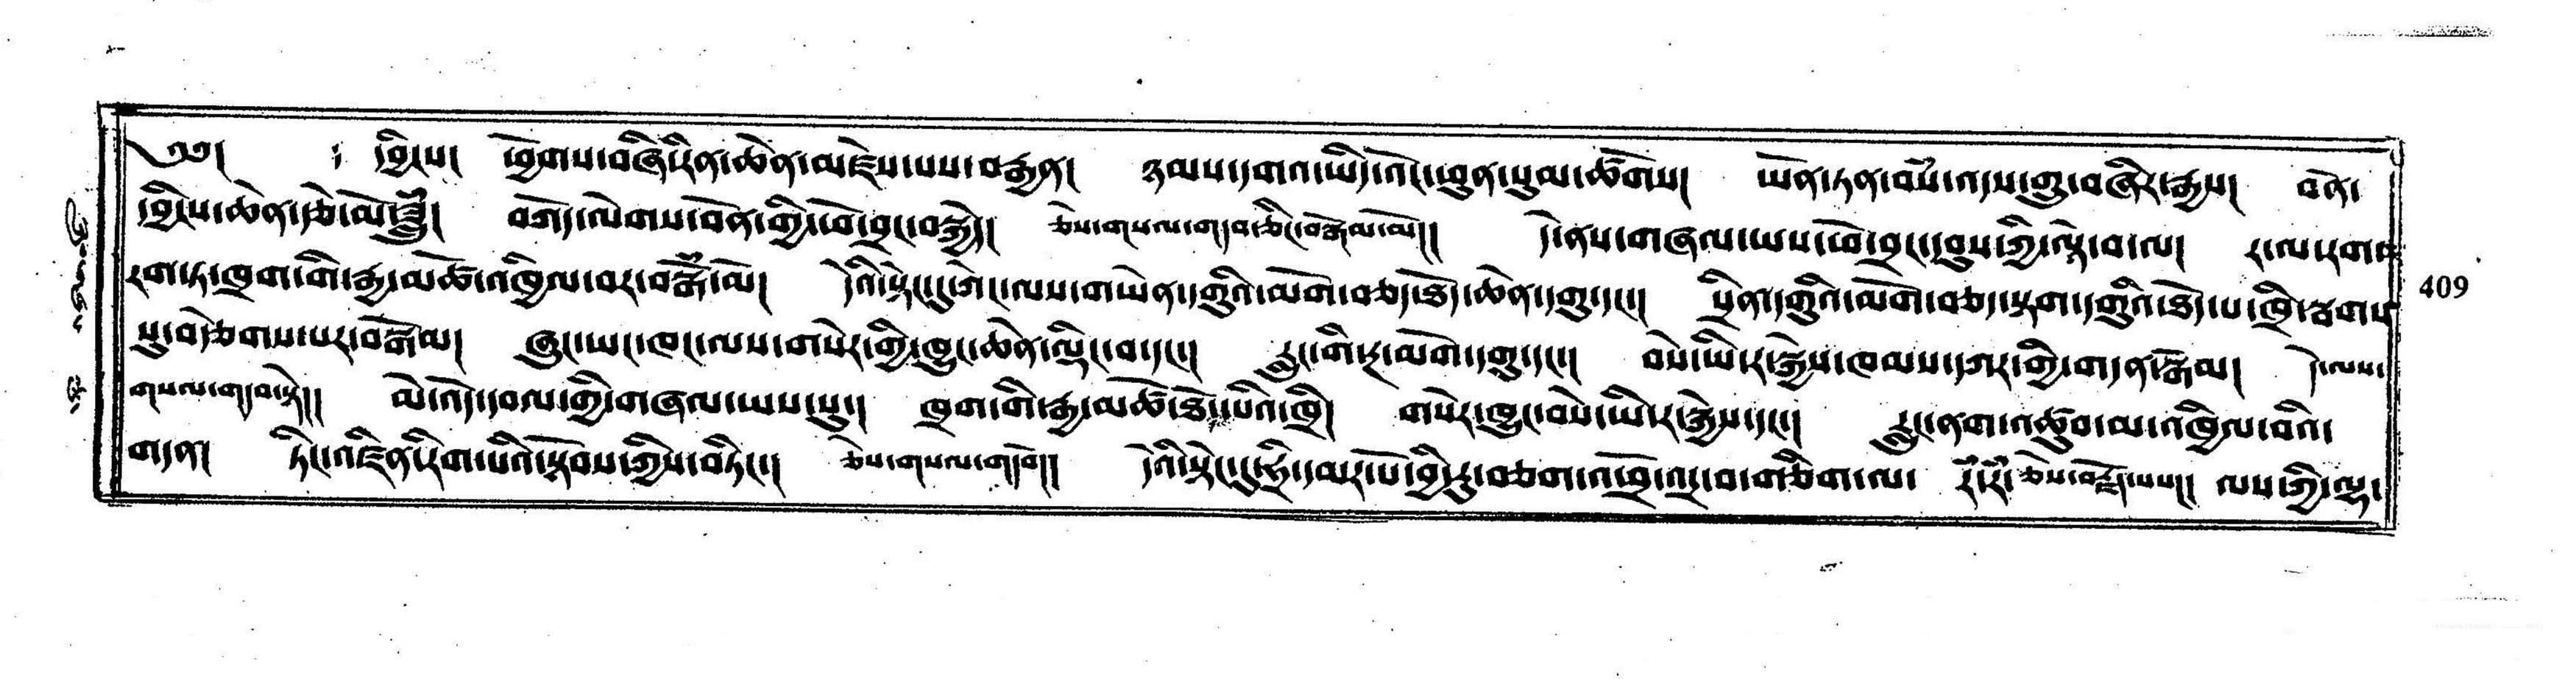དབྱིངས། ཕྱོགས་བཞི་རིན་ཆེན་མཛེས་པས་བརྒྱན། ཉམས་དགའ་ཡིད་འོང་ཕུན་སུམ་ཚོགས། ཡོན་ཏན་བསམ་འདས་གྲུ་བཞིར་རྒྱས། བོན་༼ཉིད༽
དབྱིངས་ཆེན་རྩེ་མོ་ཟླུམ། བཀོད་ལེགས་བོན་གྱི་ཕོ་བྲང་བསྐྱེད། ཅེས་གསལ་གདབ་ཅིང་བསྒོམ་མོ།། དེ་ནས་གཞལ་ཡས་ཕོ་བྲང་དབུས་ཀྱི་ལྟེ་བ་ལ། ར་ལ་རག་
རག་ཏ་ཁྲག་གི་རྒྱ་མཚོ་འཁྱིལ་བར་བསྒོམ་མོ། དེའི་སྟེང་དུ་ཀེང་ལས་གཡེན་དགུའི་མགོ་བཅད་ཐོད་ཆེན་དགུ་དང་། སྲིན་དགུའི་མགོ་བཅད་སྟག་དགུའི་ཐོད་པ་ཁྲི་སྦགས་
སུ་བརྩེགས་པར་བསྒོམ། ཞུང་ཡང་ཁང་ལས་གསེར་གྱི་ཁྱུང་ཆེན་ལྡིང་བ་དང་། རླུང་གི་རྔ་མགོ་དགུ་དང་། བསེ་ཡི་ར་སྐྱེས་ཁམས་དཀར་གྱི་གདན་སྒོམ། དེ་ལས་
གསལ་གདབ་སྟེ།། མེ་འོད་དབལ་གྱི་གཞལ་ཡས་སུ།། ཁྲག་གི་རྒྱ་མཚོ་ཐོད་པའི་ཁྲི། གསེར་ཁྱུང་བསེ་ཡི་ར་སྐྱེས་དང་། རླུང་ནག་འཚུབ་མ་འཁྱིལ་བའི་
གདན། ཏིང་འཛིན་རིག་པའི་སྟོབས་ཀྱིས་བཏིང་། ཅེས་གསལ་གདབ་པོ། དེའི་སྟེང་དུ་ཧྲི་དམར་པོ་བྱི་རུ་བཅག་འཕྲོ་འདྲ་བ་གཅིག་ལ། རཾ་རཾ། {420} ཅེས་བརྗོད་པས།། ལས་ཀྱི་ལྷ་